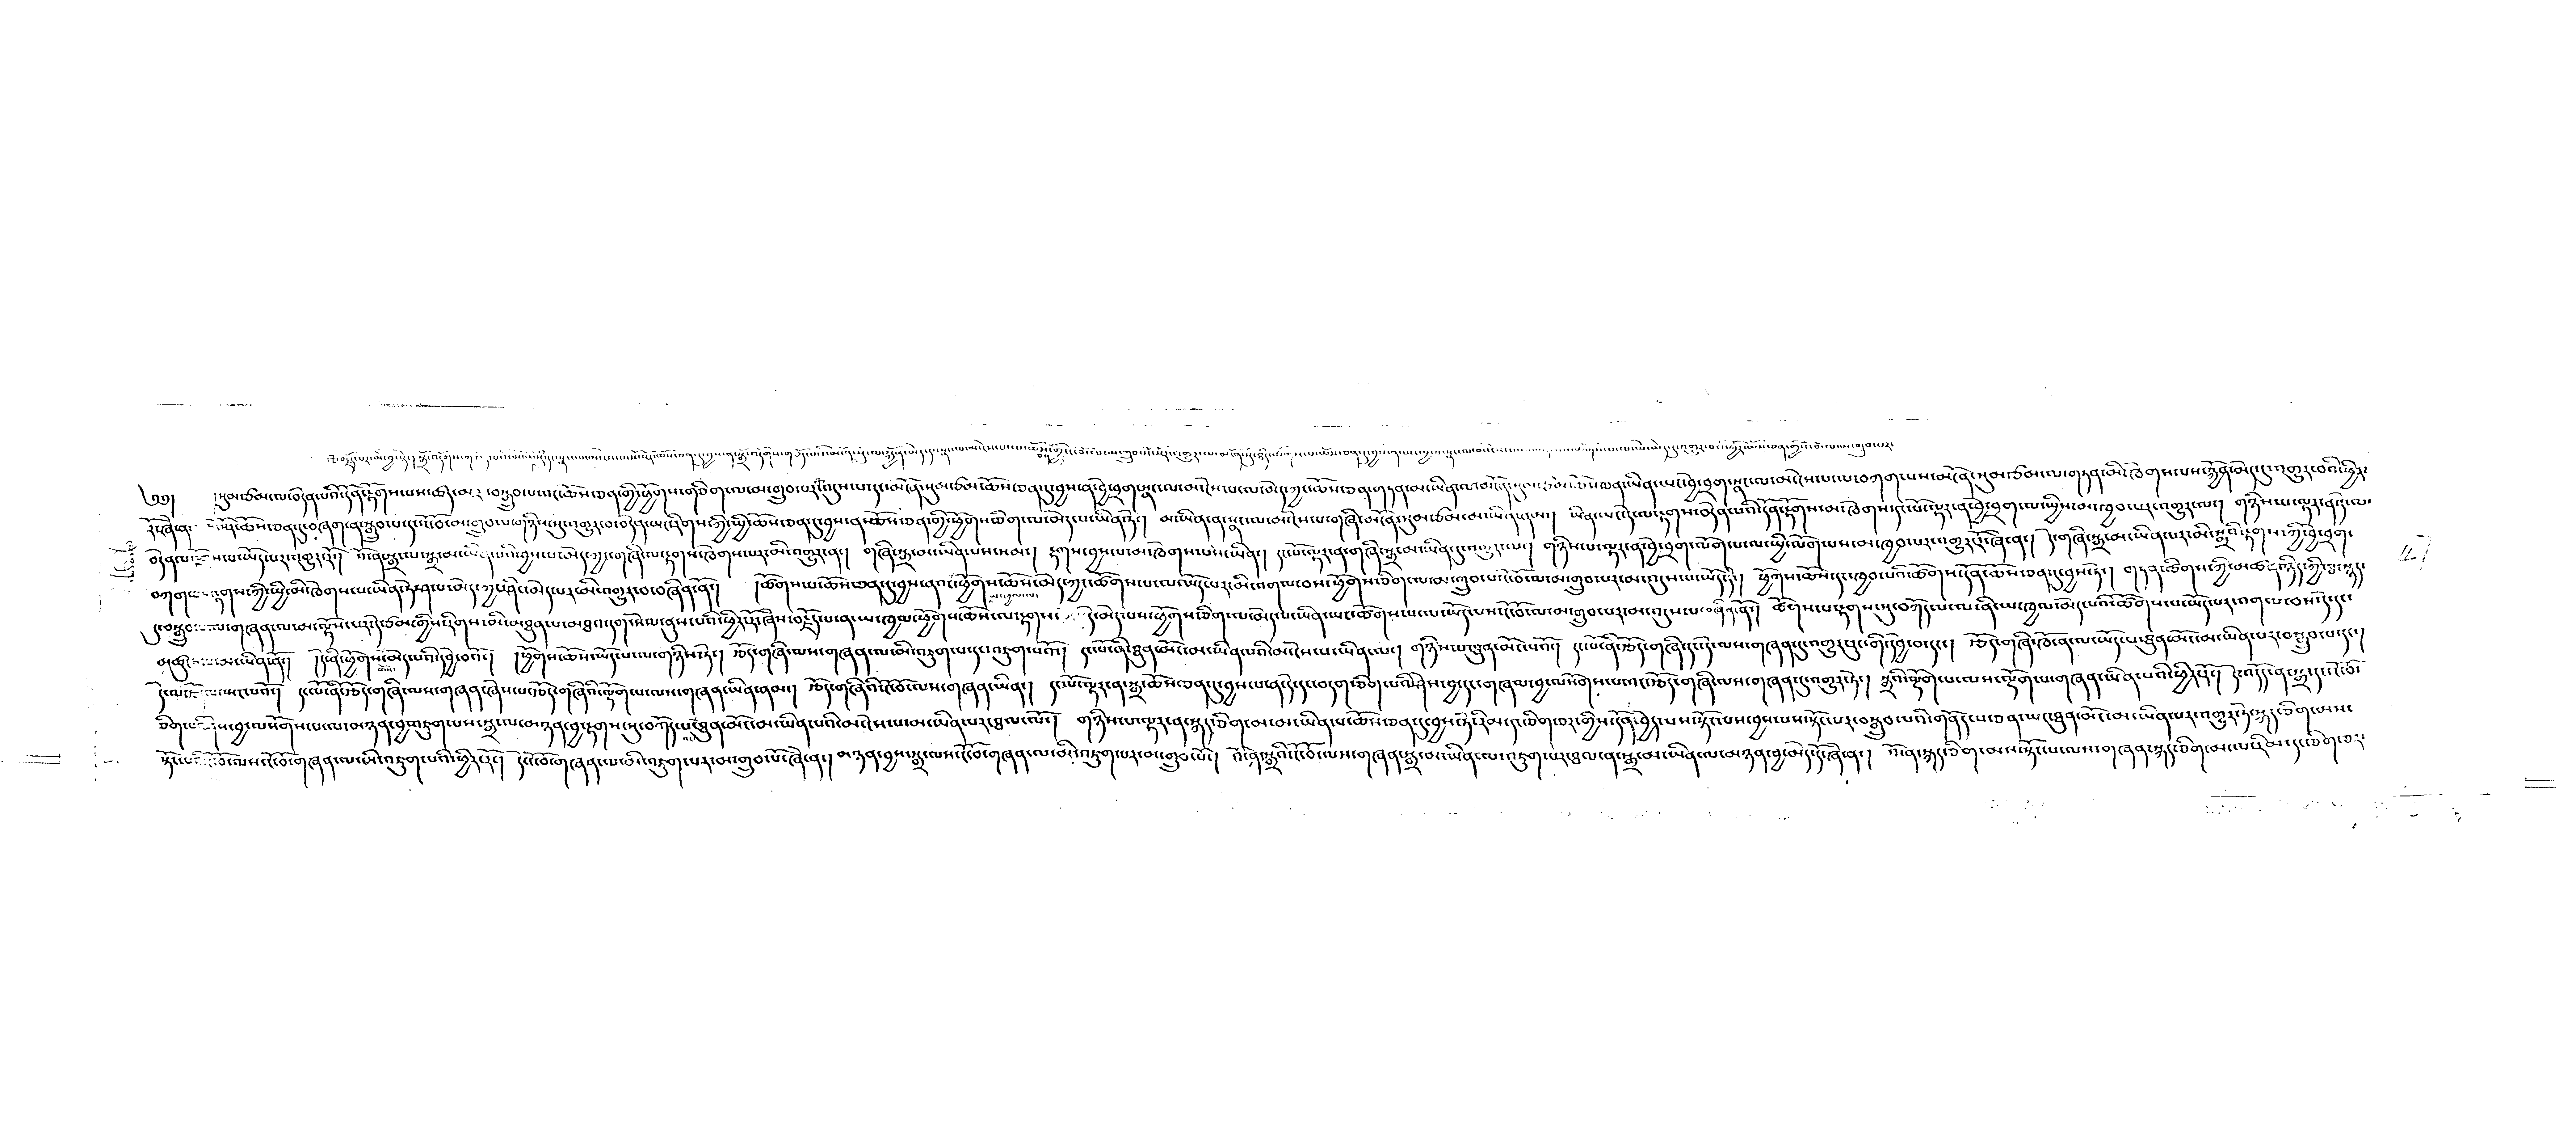༄༅། །སུམ་ཙམ་ལ་བདེན་པའི་དོན་རྟོགས་པས་ཚད་མར་བསྒྲུབ་པ་འང་ཆོས་ཅན་གྱི་ཕྱོགས་གཅིག་ལ་མ་གྲུབ་པར་་བརྗོད་པར་མི་བྱ་སྟེ། སྒྲོ་འདོགས་གཞི་པ་སེམས་?་?སྣང་པ་?་?་འདུས་པ་དང་མངོན་སུམ་ཙམ་ཆོས་ཅན་དུ་བྱས་ན་བྱེ་བྲག་སྣང་ལ་མ་ངེས་པ་ལ་མེད་ཀྱང་ཆོས་ཅན་གཏན་མ་ཡིན་ལ་མངོན་སུམ་ཙམ་ཆོས་ཅན་ཡིན་ཡང་བྱེ་བྲག་སྣང་ལ་མ་ངེས་པ་ལ་བཀག་པས་མངོན་སུམ་ཙམ་ལ་གཏན་མི་ཁེགས་པས་སྐྱོན་མེད་དུ་འགྱུར་བའི་ཕྱིར་
རོ་ཞེ་ན་སོ་སོར་ཆོས་ཅན་དུ་བཞག་ན་སྒྲུབ་པ་དང་ངོ་བོ་མ་གྲུབ་པ་གཉིས་སུ་འགྱུར་བ་བདེན་ཡང་རིགས་ཀྱི་སྤྱི་ཆོས་ཅན་དུ་བྱ་ན་ཆོས་ཅན་གྱི་ཕྱོགས་ཅིག་ལ་མེད་པ་ཡིན་ཏེ། མ་ཡིན་ན་སྣང་ལ་མ་ངེས་པ་གཞི་མངོན་སུམ་ཙམ་མ་ཡིན་ནམ། ཡིན་ཡང་དེ་ལ་རྟགས་བདེན་པའི་དོན་རྟོགས་མ་ཁེགས་དང་པོ་ལྟར་ན་བྱེ་བྲག་ལ་སྤྱིས་མ་ཁྱབ་པར་འགྱུར་ལ། གཉིས་པ་ལྟར་ན་དེ་ལ་
བདེན་ལ་?་པ་ཡོད་པར་འགྱུར་རོ། འོ་ན་སྒྲ་ལ་སྒྲ་མ་ཡིན་པའི་བྱས་པ་མེད་ཀྱང་གཞི་ལ་རྟགས་ཁེགས་པར་མི་འགྱུར་ན། གཞི་སྒྲ་མ་ཡིན་པས་སམ། རྟགས་བྱས་པ་མ་ཁེགས་པས་ཡིན། དང་པོ་ལྟར་ན་གཞི་སྒྲ་མ་ཡིན་དུ་འགྱུར་ལ། གཉིས་པ་ལྟར་ན་བྱེ་བྲག་ལོག་པ་ལ་སྤྱི་ལོག་པས་མ་ཁྱབ་པར་འགྱུར་རོ་ཞེ་ན། དེ་གཞི་སྒྲ་མ་ཡིན་པར་མི་སྒྲའི་རྟོགས་ཀྱི་བྱེ་བྲག་
བཀག་ལ་རྟགས་ཀྱི་སྤྱི་མི་ཁེགས་པ་ཡིན་ཏེ་ཤ་པ་མེད་ཀྱང་ཤིང་མེད་པར་མི་འགྱུར་བ་བཞིན་ནོ། །ཚོགས་པ་ཆོས་ཅན་དུ་བྱས་ནའང་ཕྱོགས་ཆོས་མེད་ཀྱང་ཚོགས་པ་ལ་ཡོད་པར་མི་འགལ་བས་ཕྱོགས་ཅིག་ལ་མ་གྲུབ་པ་ངོ་བོ་མ་མ་གྲུབ་པར་མ་འདུས་པ་ཡོད་ནི། ཕྱོགས་ཆོས་དང་ཁྱབ་པའི་ཚོགས་དོན་ཆོས་ཅན་དུ་བྱས་ཏེ། གཏན་ཚིགས་ཀྱི་མཚན་ཉིད་ཀྱི་ཐ་སྙད་
དུ་བསྒྲུབ་པ་ལ་གཞན་ལ་མ་ལྟོས་པར་དེ་ཙམ་གྱིས་རིགས་མི་མཐུན་པ་མཐའ་དག་སེལ་ནུས་པའི་ཕྱིར་རོ་ཞེས་བརྗོད་པ་ན་ཡ་ཁྱམ་ཕྱོགས་ཆོས་ལ་རྟགས་དེ་མེད་པས་ཕྱོགས་ཅིག་ལ་མེད་པ་ཡིན་ཡང་ཚོགས་པ་ལ་ཡོད་པས་ངོ་བོ་ལ་མ་གྲུབ་པར་མ་འདུས་པ་བཞིན་ནོ། ཚོགས་པ་རྟགས་སུ་བཀོད་པ་ལ་ནི་ཡ་ཁྱམ་མེད་པའི་ཚོགས་པ་ཡོད་པར་འགལ་བས་དེ་དང་
མཚུངས་པ་མ་ཡིན་ནོ། །དེ་ནི་ཕྱོགས་ཆོས་མེད་པའི་དབྱེ་བའོ། །ཕྱོགས་ཆོས་ཡོད་པ་ལ་གཉིས་ཏེ། རྩོད་གཞི་ལས་གཞན་ལ་མི་འཇུག་པ་དང་འཇུག་པའོ། དང་པོ་ནི་ཐུན་མོང་མ་ཡིན་པའི་མ་ངེས་པ་ཡིན་ལ། གཉིས་པ་ཐུན་མོང་པའོ། དང་པོ་ནི་རྩོད་གཞི་དང་དེ་ལས་གཞན་དུ་འགྱུར་རུང་གི་དབྱེ་བ་དང་། རྩོད་གཞི་ཁོ་ན་ལ་ཡོད་པ་ཐུན་མོང་མ་ཡིན་པར་བསྒྲུབ་པ་དང་།
དེ་ལ་?་ཡང་པའོ། དང་པོ་ནི་རྩོད་གཞི་ལས་གཞན་ཞེས་པ་རྩོད་གཞིའི་ལྡོག་པ་ལས་གཞན་ཡིན་ནམ། རྩོད་གཞིའི་ངོ་བོ་ལས་གཞན་ཡིན། དང་པོ་ལྟར་ན་སྒྲ་ཆོས་ཅན་དུ་བྱས་པ་ན་དེ་དང་བདག་ཅིག་པའི་ཤེས་བྱ་དང་གཞལ་བྱ་ལ་སོགས་པ་འང་རྩོད་གཞི་ལས་གཞན་དུ་འགྱུར་ཏེ། སྒྲའི་ལྡོག་པ་ལས་ལྡོག་པ་གཞན་ཡིན་པའི་ཕྱིར་རོ། དེ་འདོད་ན་སྒྲ་དང་ངོ་བོ་
ཅིག་པ་ཤེས་བྱ་ལ་སོགས་པ་ལ་མཉན་བྱ་འཇུག་པས་སྒྲ་ལ་མཉན་བྱ་རྟགས་སུ་བཀོད་པ་མ་ཐུན་མོང་མ་ཡིན་པའི་མ་ངེས་པ་མ་ཡིན་པར་ཐལ་ལོ། གཉིས་པ་ལྟར་ན་སྐད་ཅིག་མ་མ་ཡིན་པ་ཆོས་ཅན་དུ་བྱས་ཏེ་རིམ་དང་ཅིག་ཅར་གྱིས་དོན་བྱེད་པས་སྟོང་པས་བྱས་པས་སྟོང་པར་བསྒྲུབ་པའི་གནོད་པ་ཅན་ཡང་ཐུན་མོང་མ་ཡིན་པར་འགྱུར་ཏེ་སྐད་ཅིག་ལས་
སྟོང་པའི་ངོ་བོ་ལས་ངོ་བོ་གཞན་ལ་མི་འཇུག་པའི་ཕྱིར་རོ། དེ་ངོ་བོ་གཞན་ལ་མི་འཇུག་པར་མ་གྲུབ་པོ་ཞེ་ན། མཉན་བྱས་སྒྲ་ལས་ངོ་བོ་གཞན་ལ་མི་འཇུག་པར་མ་གྲུབ་པོ། འོ་ན་སྒྲའི་ངོ་བོ་ལས་གཞན་སྒྲ་མ་ཡིན་ལ་འཇུག་པར་ཐལ་ན་སྒྲ་མ་ཡིན་མ་ཡིན་ལ་མཉམ་བྱ་མེད་དོ་ཞེ་ན། འོན་སྐད་ཅིག་མས་སྟོང་པ་ལས་གཞན་སྐད་ཅིག་མ་ལ་རིམ་དང་ཅིག་ཅར་